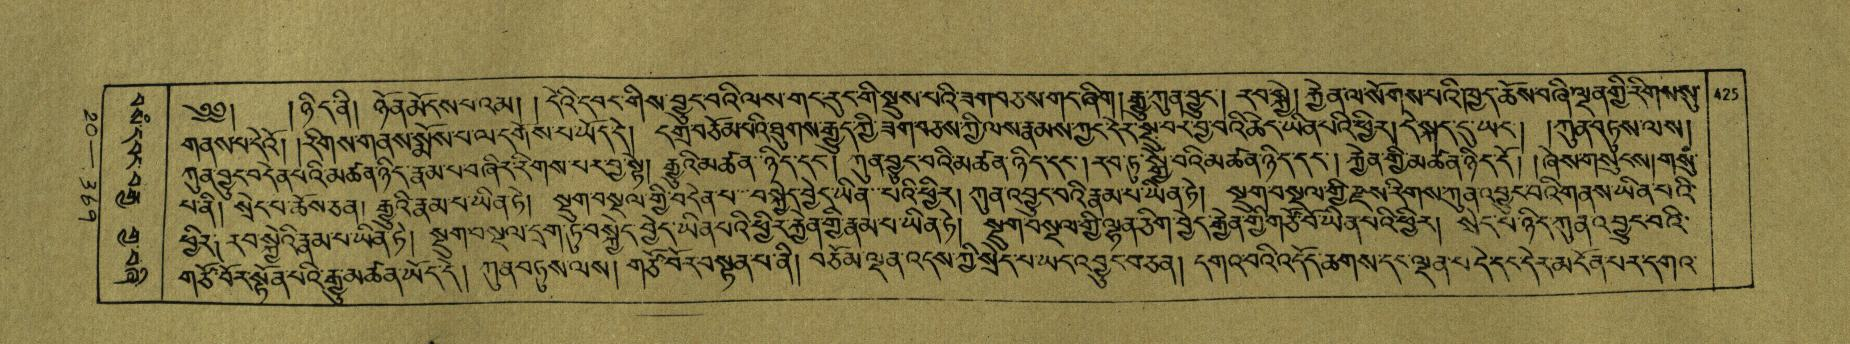༄༅། །ཉིད་ནི། ཉོན་མོངས་པ་འམ། དེའི་དབང་གིས་བྱུང་བའི་ལས་གང་རུང་གི་སྡུས་པའི་ཟག་བཅས་གང་ཞིག། རྒྱུ་ཀུན་བྱུང་། རབ་སྐྱེ། རྐྱེན་ལ་སོགས་པའི་ཁྱད་ཆོས་བཞི་ལྡན་གྱི་རིགས་སུ་
གནས་པ་དེའོ། །རིགས་གནས་སྨོས་པ་ལ་དགོས་པ་ཡོད་དེ། དགྲ་བཅོམ་པའི་ཐུགས་རྒྱུད་ཀྱི་ཟག་བཅས་ཀྱི་ལས་རྣམས་ཀྱང་དེར་སྡུ་བར་བྱ་བའི་ཆེད་ཡིན་པའི་ཕྱིར། དེ་སྐད་དུ་ཡང་། །ཀུན་བཏུས་ལས།
ཀུན་བྱུང་བདེན་པའི་མཚན་ཉིད་རྣམ་པ་བཞིར་རིགས་པར་བྱ་སྟེ། རྒྱུའི་མཚན་ཉིད་དང་། ཀུན་བྱུང་བའི་མཚན་ཉིད་དང་། རབ་ཏུ་སྒྱེ་བའི་མཚན་ཉིད་དང་། རྐྱེན་གྱི་མཚན་ཉིད་དོ། །ཞེས་གསུངས། གསུཾ་
པ་ནི། སྲེད་པ་ཆོས་ཅན། རྒྱུའི་རྣམ་པ་ཡིན་ཏེ། སྡུག་བསྔལ་གྱི་བདེན་པ་བསྐྱེད་བྱེད་ཡིན་པའི་ཕྱིར། ཀུན་འབྱུང་བའི་རྣམ་པ་ཡིན་ཏེ། སྡུག་བསྔལ་གྱི་རྫས་རིགས་ཀུན་འབྱུང་བའི་གནས་ཡིན་པའི་
ཕྱིར༑ རབ་སྐྱེའི་རྣམ་པ་ཡིན་ཏེ། སྡུག་བསྔལ་དྲག་ཏུ་བསྐྱེད་བྱེད་ཡིན་པའི་ཕྱིར་རྐྱེན་གྱི་རྣམ་པ་ཡིན་ཏེ། སྡུག་བསྔལ་གྱི་ལྷན་ཅིག་བྱེད་རྒྱེན་གྱི་གཙོ་བོ་ཡིན་པའི་ཕྱིར། སྲེད་པ་ཉིད་ཀུན་འབྱུང་བའི་
གཙོ་བོར་སྟོན་པའི་རྒྱུ་མཚན་ཡོད་དེ། ཀུན་བཏུས་ལས། གཙོ་བོར་བསྟན་པ་ནི། བཅོམ་ལྡན་འདས་ཀྱི་སྲེད་པ་ཡང་འབྱུང་བ་ཅན། དགའ་བའི་འདོད་ཆགས་དང་ལྡན་པ་དེ་དང་དེར་མངོན་པར་དགའ་